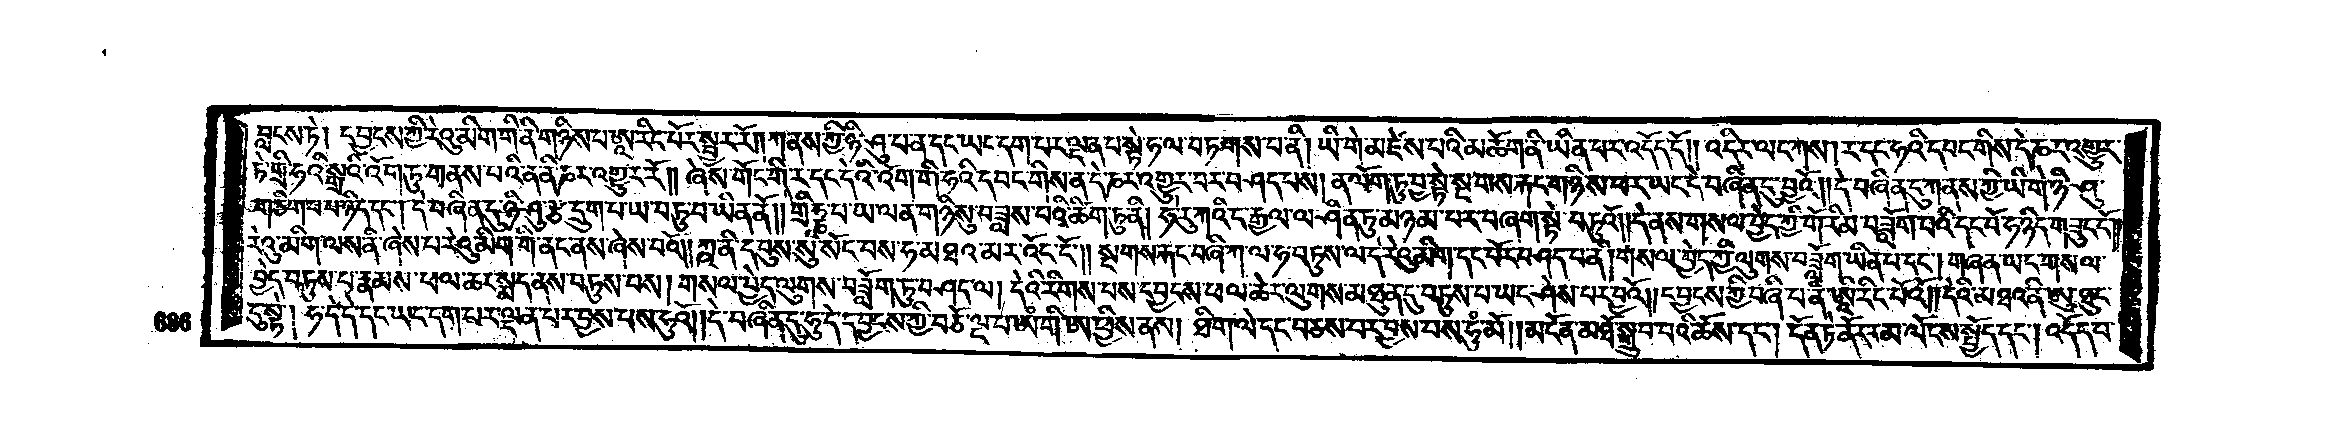བླངས་ཏེ། དབྱངས་ཀྱི་རེའུ་མིག་གི་ནི་གཉིས་པ་ཨཱ་རིང་པོར་སྦྱར་རོ། །ཀ་ནས་ཀྱི་ཉི་ཤུ་པ་ན་དང་ཡང་དག་པར་ལྡན་པ་སྟེ་ཧ་ལ་བཏགས་པ་ནི། ཡི་གེ་མཛེས་པའི་མཆོག་ནི་ཡིན་པར་འདོད་དོ། །འདིར་ལང་ཀས། ར་དང་ཧའི་དབང་གིས་དེ་ཎར་འགྱུར་
ཏེ་གྲི་ཧའི་སྒྲའི་འོག་ཏུ་གནས་པའི་ན་ནི་ཎར་འགྱུར་རོ། །ཞེས་གོང་གི་ར་དང་དེའི་འོག་གི་ཧའི་དབང་གིས་ན་དེ་ཎར་འགྱུར་བར་བཤད་པས། ན་ལོག་ཏུ་བྱ་སྟེ་སྔགས་རྐང་གཉིས་པར་ཡང་དེ་བཞིན་དུ་བྱའོ། །དེ་བཞིན་དུ་ཀ་ནས་ཀྱི་ཡི་གེ་ཉི་ཤུ་
གཅིག་པ་པ་ཉིད་དང་། དེ་བཞིན་དུ་ཉི་ཤུ་རྩ་དྲུག་པ་ཡ་བཏུ་བ་ཡིན་ནོ། །གྲི་ཧྞཱ་པ་ཡ་ལན་གཉིས་སུ་བཟླས་པའི་ཚིག་ཏུ་ནི། ཧེ་རུ་ཀའི་ང་རྒྱལ་ལ་ཤིན་ཏུ་མཉམ་པར་བཞག་སྟེ་བཏུའོ། །དེ་ནས་གསལ་བྱེད་ཀྱི་གོ་རིམ་བཟློག་པའི་དང་པོ་ཧ་ཉིད་གཟུང་ངོ། །
རེའུ་མིག་ལས་ནི་ཞེས་པ་རེའུ་མིག་གི་ནང་ནས་ཞེས་པའོ། །ཀྵ་ནི་དབུས་སུ་སོང་བས་ཧ་མཐའ་མར་འོང་ངོ། །སྔགས་རྐང་བཞི་ཀ་ལ་ཧ་བཏུས་ལ་དེ་རེའུ་མིག་དང་པོར་བཤད་པ་ནི། གསལ་བྱེད་ཀྱི་ལུགས་བཟློག་ཡིན་པ་དང་། གཞན་ཡང་གསལ་
བྱེད་བཏུས་པ་རྣམས་ཕལ་ཆར་སྨད་ནས་བཏུས་པས། གསལ་བྱེད་ལུགས་བཟློག་ཏུ་བཤད་ལ། དེའི་རིགས་པས་དབྱངས་ཕལ་ཆེར་ལུགས་མཐུན་དུ་བཏུས་པ་ཡང་ཤེས་པར་བྱའོ། །དབྱངས་ཀྱི་བཞི་པ་ནི་ཨཱི་རིང་པོའོ། །དེའི་མཐའ་ནི་ཨུ་ཐུང་
དུ་སྟེ། ཧ་དེ་དེ་དང་ཡང་དག་པར་ལྡན་པར་བྱས་པས་ཧུའོ། །དེ་བཞིན་དུ་ཧུ་དེ་དབྱངས་ཀྱི་བཅོ་ལྔ་པ་ཨཾ་གི་ཨ་ཕྱིས་ནས། ཐིག་ལེ་དང་བཅས་པར་བྱས་པས་ཧུཾ་མོ། །མངོན་མཐོ་སྒྲུབ་པའི་ཆོས་དང་། དོན་ཏེ་ནོར་རམ་ལོངས་སྤྱོད་དང་། འདོད་པ་